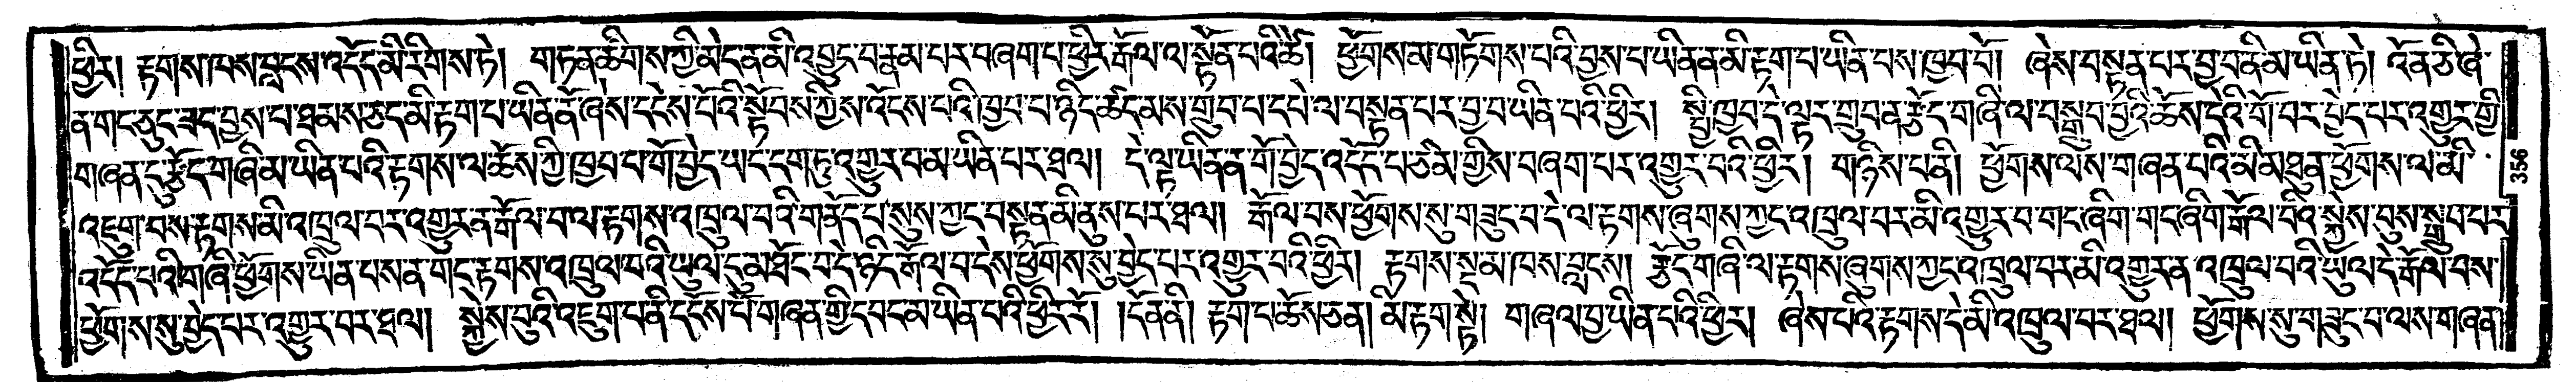ཕྱིར། རྟགས་ཁས་བླངས་འདོད་མི་རིགས་ཏེ། གཏན་ཚིགས་ཀྱི་མེད་ན་མི་འབྱུང་བ་རྣམ་པར་བཞག་པ་ཕྱིར་རྒོལ་ལ་སྟོན་པའི་ཚེ། ཕྱོགས་མ་གཏོགས་པའི་བྱས་པ་ཡིན་ན་མི་རྟག་པ་ཡིན་པས་ཁྱབ་བོ། ཞེས་བསྟན་པར་བྱ་བ་ནི་མ་ཡིན་ཏེ། འོན་ཅི་ཞེ་
ན་གང་ཅུང་ཟད་བྱས་པ་ཐམས་ཅད་མི་རྟག་པ་ཡིན་ནོ་ཞེས་དངོས་པོའི་སྟོབས་ཀྱིས་འོངས་པའི་ཁྱབ་པ་ཉིད་ཚད་མས་གྲུབ་འགྱུར་གྱི་གཞན་དུ་རྩོད་གཞི་མ་ཡིན་པའི་རྟགས་ལ་ཆོས་ཀྱི་གྲུབ་ན་རྩོད་གཞི་ལ་བསྒྲུབ་བྱའི་ཆོས་དེའི་གོ་བར་བྱེད་པར་འགྱུར་གྱི་
གཞན་དུ་རྩོད་གཞི་མ་ཡིན་པའི་རྟགས་ལ་ཆོས་ཀྱི་ཁྱབ་པ་གོ་བྱེད་ཡང་དག་ཏུ་འགྱུར་བ་མ་ཡིན་པར་ཐལ། དེ་ལྟ་ཡིན་ན་གོ་བྱེད་འདོད་པ་ཙམ་གྱིས་བཞག་པར་འགྱུར་བའི་ཕྱིར། གཉིས་པ་ནི། ཕྱོགས་ལས་གཞན་པའི་མི་མཐུན་ཕྱོགས་ལ་མི་
འཇུག་བས་རྟགས་མི་འཁྲུལ་བར་འགྱུར་ན་རྒོལ་བ་ལ་རྟགས་འཁྲུལ་བའི་གནོད་པ་སུས་ཀྱང་བསྟན་མི་ནུས་པར་ཐལ། རྒོལ་བས་ཕྱོགས་སུ་གཟུང་བ་དེ་ལ་རྟགས་ཞུགས་ཀྱང་འཁྲུལ་བར་མི་འགྱུར་བ་གང་ཞིག་གང་ཞིག་རྒོལ་བའི་སྐྱེས་བུས་སྒྲུབ་པར་
འདོད་པའི་གཞི་ཕྱོགས་ཡིན་པས་ན་གང་རྟགས་འཁྲུལ་བའི་ཡུལ་དུ་མཐོང་བ་དེ་ཉིད་རྒོལ་བ་ངེས་ཕྱོགས་སུ་བྱེད་པར་འགྱུར་བའི་ཕྱིར། རྟགས་སྔ་མ་ཁས་བླངས། རྩོད་གཞི་ལ་རྟགས་ཞུགས་ཀྱང་འཁྲུལ་བར་མི་འགྱུར་ན་འཁྲུལ་བའི་ཡུལ་དེ་རྒོལ་བས་
ཕྱོགས་སུ་བྱེད་པར་འགྱུར་བར་ཐལ། སྐྱེས་བུའི་འཇུག་པ་ནི་དངོས་པོ་གཞན་གྱི་དབང་མ་ཡིན་པའི་ཕྱིར་རོ། །དོན་ནི། རྟག་པ་ཆོས་ཅན། མི་རྟག་སྟེ། གཞལ་བྱ་ཡིན་པའི་ཕྱིར། ཞེས་པའི་རྟགས་དེ་མི་འཁྲུལ་བར་ཐལ། ཕྱོགས་སུ་གཟུང་བ་ལས་གཞན་